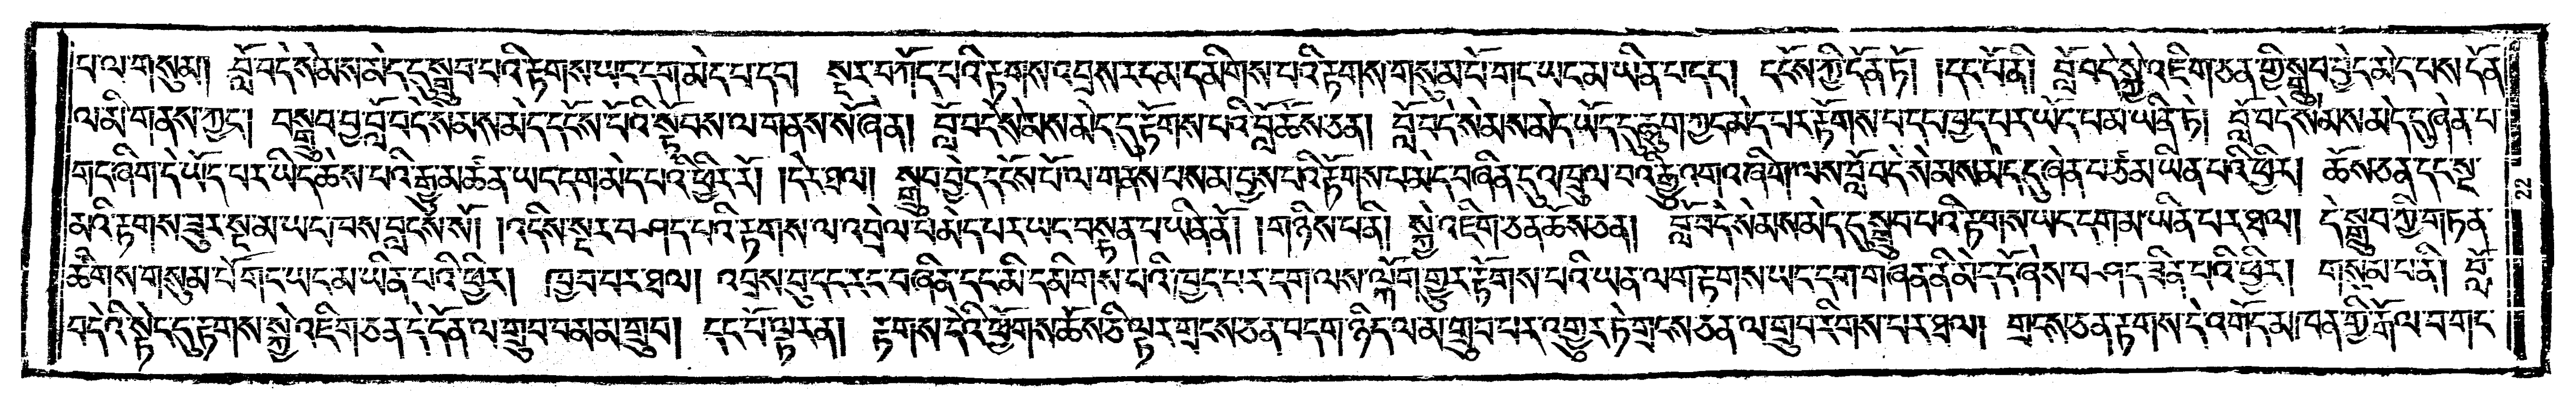པ་ལ་གསུམ། བློ་བདེ་སེམས་མེད་དུ་སྒྲུབ་པའི་རྟགས་ཡང་དག་མེད་པ་དང་། སྔར་བཀོད་པའི་རྟགས་འབྲས་རང་མ་དམིགས་པའི་རྟགས་གསུམ་པོ་གང་ཡང་མ་ཡིན་པ་དང་། དངོས་ཀྱི་དོན་ཏོ། །དང་པོ་ནི། བློ་བདེ་སྐྱེ་འཇིག་ཅན་གྱི་སྒྲུབ་བྱེད་མེད་པས་དོན་
ལ་མི་གནས་ཀྱང་། བསྒྲུབ་བྱ་བློ་བདེ་སེམས་མེད་དངོས་པོའི་སྟོབས་ལ་གནས་སོ་ཞེ་ན། བློ་བདེ་སེམས་མེད་དུ་རྟོགས་པའི་བློ་ཆོས་ཅན། བློ་བདེ་སེམས་མེད་ཡོད་དུ་ཆུག་ཀྱང་མེད་པར་རྟོགས་པ་དང་ཁྱད་པར་ཡོད་པ་མ་ཡིན་ཏེ། བློ་བདེ་སེམས་མེད་དུ་ཞེན་པ་
གང་ཞིག་དེ་ཡོད་པར་ཡིད་ཆེས་པའི་རྒྱུ་མཚན་ཡང་དག་མེད་པའི་ཕྱིར་རོ། །དེར་ཐལ། སྒྲུབ་བྱེད་དངོས་པོ་ལ་གནས་པས་མ་བྱས་པའི་རྟོགས་པ་མེད་བཞིན་དུ་འཁྲུལ་བའི་རྒྱུ་འགའ་ཞིག་ལས་བློ་བདེ་སེམས་མེད་དུ་ཞེན་པ་ཙམ་ཡིན་པའི་ཕྱིར། ཆོས་ཅན་དང་སྔ་
མའི་རྟགས་ཟུར་སྔ་མ་ཡང་ཁས་བླངས་སོ། །འདིས་སྔར་བཤད་པའི་རྟགས་ལ་འབྲེལ་པ་མེད་པར་ཡང་བསྟན་པ་ཡིན་ནོ། །གཉིས་པ་ནི། སྐྱེ་འཇིག་ཅན་ཆོས་ཅན། བློ་བདེ་སེམས་མེད་དུ་སྒྲུབ་པའི་རྟགས་ཡང་དག་མ་ཡིན་པར་ཐལ། དེ་སྒྲུབ་ཀྱི་གཏན་
ཚིགས་གསུམ་པོ་གང་ཡང་མ་ཡིན་པའི་ཕྱིར། ཁྱབ་པར་ཐལ། འབྲས་བུ་དང་རང་བཞིན་དང་མི་དམིགས་པའི་ཁྱད་པར་དག་ལས་ལྐོག་གྱུར་རྟོགས་པའི་ཡན་ལག་རྟགས་ཡང་དག་གཞན་ནི་མེད་དོ་ཞེས་བཤད་ཟིན་པའི་ཕྱིར། གསུམ་པ་ནི། བློ་
བདེའི་སྟེང་དུ་རྟགས་སྐྱེ་འཇིག་ཅན་དེ་དོན་ལ་གྲུབ་བམ་མ་གྲུབ། དང་པོ་ལྟར་ན། རྟགས་དེའི་ཕྱོགས་ཆོས་ཅི་ལྟར་གྲངས་ཅན་བདག་ཉིད་ལ་མ་གྲུབ་པར་འགྱུར་ཏེ་གྲངས་ཅན་ལ་གྲུབ་རིགས་པར་ཐལ། གྲངས་ཅན་རྟགས་དེ་འགོད་མཁན་གྱི་རྒོལ་བ་གང་